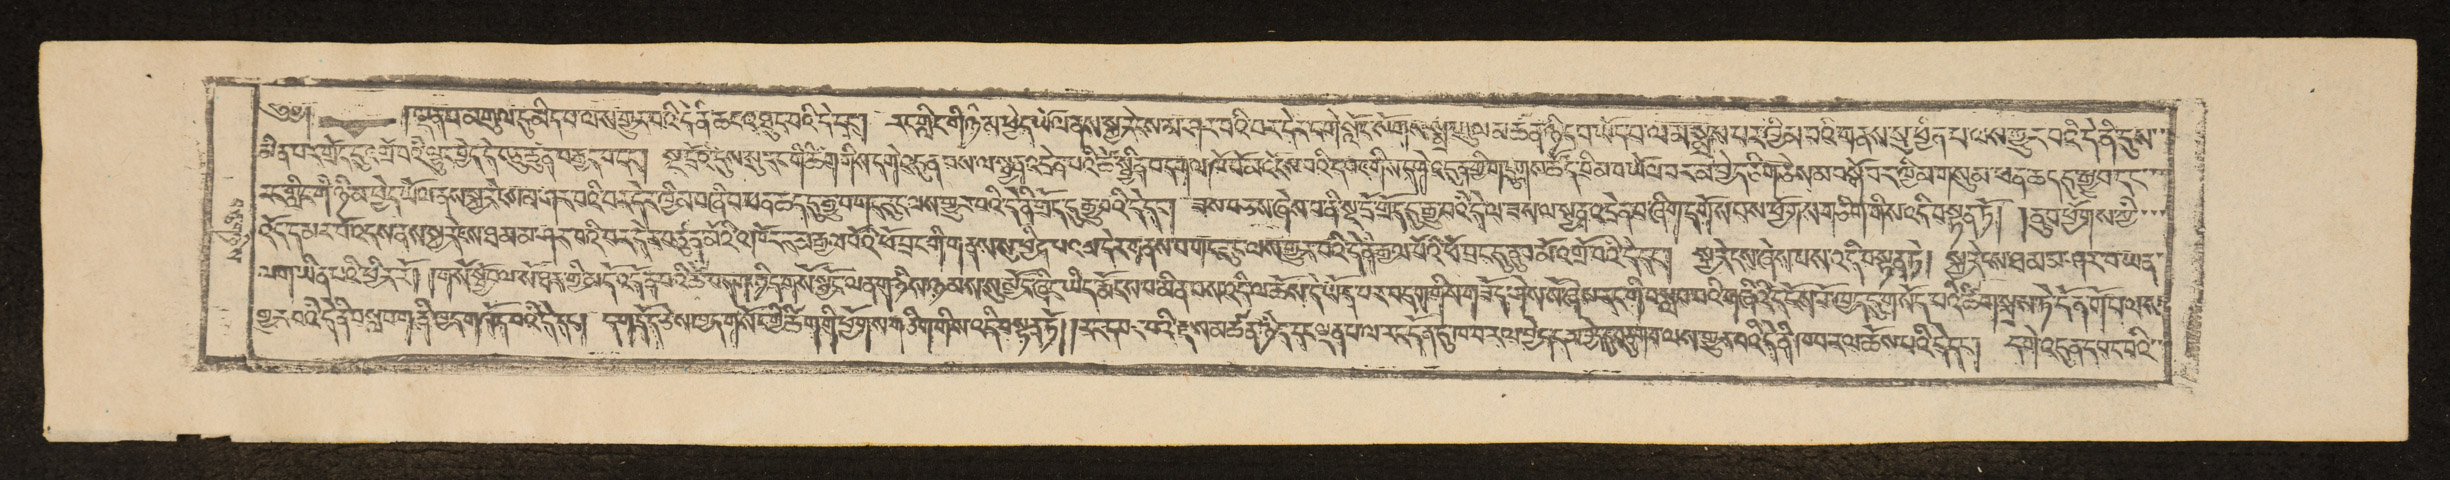༄༅། །ལྡན་པ་མགུལ་དུ་མིད་པ་ལས་གྱུར་བའི་དེ་ནི་ཆང་འཐུང་བའི་དེ་དང་། རང་གླིང་གི་ཉི་མ་ཕྱེད་ཡོལ་ནས་སྐྱ་རེངས་མ་ཤར་བའི་བར་དེར་དགེ་སློང་སོགས་སྨྲ་ཡུལ་མཚན་ཉིད་པ་ཡོད་པ་ལ་མ་སྨྲས་པར་ཁྱིམ་པའི་གནས་སུ་ཕྱིན་པ་ལས་གྱུར་བའི་དེ་ནི་དུས་
མིན་པར་གྲོང་དུ་འགྲོ་བའི་ལྷུང་བྱེད་དེ་བཅུ་ཚུན་བརྒྱད་པ་དང་། སྔ་དྲོའི་དུས་སུ་རང་གི་ཚིག་གིས་དགེ་འདུན་པ་ས་ལ་སྤྱན་འདྲེན་པའི་ཚེ་སྦྱིན་བདག་ལ་ཁོ་བོ་མ་འོངས་པའི་དབང་གིས་དགེ་འདུན་གྱི་གདུགས་ཚོད་བྲིམ་བ་ཡོལ་བར་མ་བྱེད་ཅིག་ཅེས་མ་བསྒོ་བར་ཁྱིམ་གསུམ་ཕན་ཆད་དུ་རྒྱུ་བ་དང་
རང་གླིང་གི་ཉི་མ་ཕྱེད་ཡོལ་ནས་སྐྱ་རེངས་མ་ཤར་བའི་བར་དེར་ཁྱིམ་བཞི་བ་ཕན་ཆད་དུ་རྒྱུ་བ་གང་རུང་ལས་གྱུར་བའི་དེ་ནི་གྲོང་དུ་རྒྱུ་བའི་དེ་དང་། ཟས་བཅས་ཞེས་པ་ནི་སྔ་དྲོ་གྲོང་དུ་རྒྱུ་བའི་དེ་ལ་ཟས་ལ་སྤྱན་འདྲེན་བ་ཞིག་དགོས་པས་ཕྱོགས་གཅིག་གིས་འདི་བསྟན་ཏོ། །ནུབ་ཕྱོགས་ཀྱི་
འོད་དམར་པོ་འདས་ནས་སྐྱ་རེངས་ཐ་མམ་ཤར་བའི་བར་དེར་བཙུན་མོའི་འཁོར་རམ་རྒྱལ་པོའི་ཕོ་བྲང་གི་གནས་སུ་ཕྱིན་པའམ་དེར་གནས་པ་གང་རུང་ལས་གྱུར་བའི་དེ་ནི་རྒྱལ་པོའི་ཕོ་བྲང་དུ་ནུབ་མོ་འགྲོ་བའི་དེ་དང་། སྐྱ་རེངས་ཞེས་པས་འདི་བསྟན་ཏེ། སྐྱ་རེངས་ཐ་མ་མ་ཤར་བ་ཡན་
ལག་ཡིན་པའི་ཕྱིར་རོ། །གསོ་སྦྱོང་ལ་སོ་ཐར་གྱི་མདོ་འདོན་པའི་ཚེ་བདག་ཉིད་གསོ་སྦྱོང་ལན་གཉིས་ཉམས་སུ་མྱོང་ཞིང་ཡིད་རྨོངས་པ་མིན་པས་འདི་ལ་ཆོས་དེ་ཡོད་པར་བདག་གིས་གཟོད་ཤེས་སོ་ཞེས་རང་གི་བསླབ་པའི་གཞིའི་དངོས་པོ་ཁྱད་དུ་གསོད་པའི་ཚིག་སྨྲས་ཏེ་དོན་གོ་བ་ལས་
གྱུར་བའི་དེ་ནི་བསླབ་པ་ནི་ཁྱད་གསོད་པའི་དེ་དང་། དག་དོད་ཅེས་ཁྱད་གསོད་གྱི་ཚིག་གི་ཕྱོགས་གཅིག་གིས་འདི་བསྟན་ཏོ། །རང་དབང་བའི་རྫས་མཚན་ཉིད་དང་ལྡན་པ་ལ་རང་དོན་དུ་ཁ་བ་རལ་བྱེད་དམ་བྱེད་དུ་བཅུག་པ་ལས་གྱུར་བའི་དེ་ནི་ཁབ་རལ་ཆོས་པའི་དེ་དང་། དགེ་འདུན་དབང་བའི་